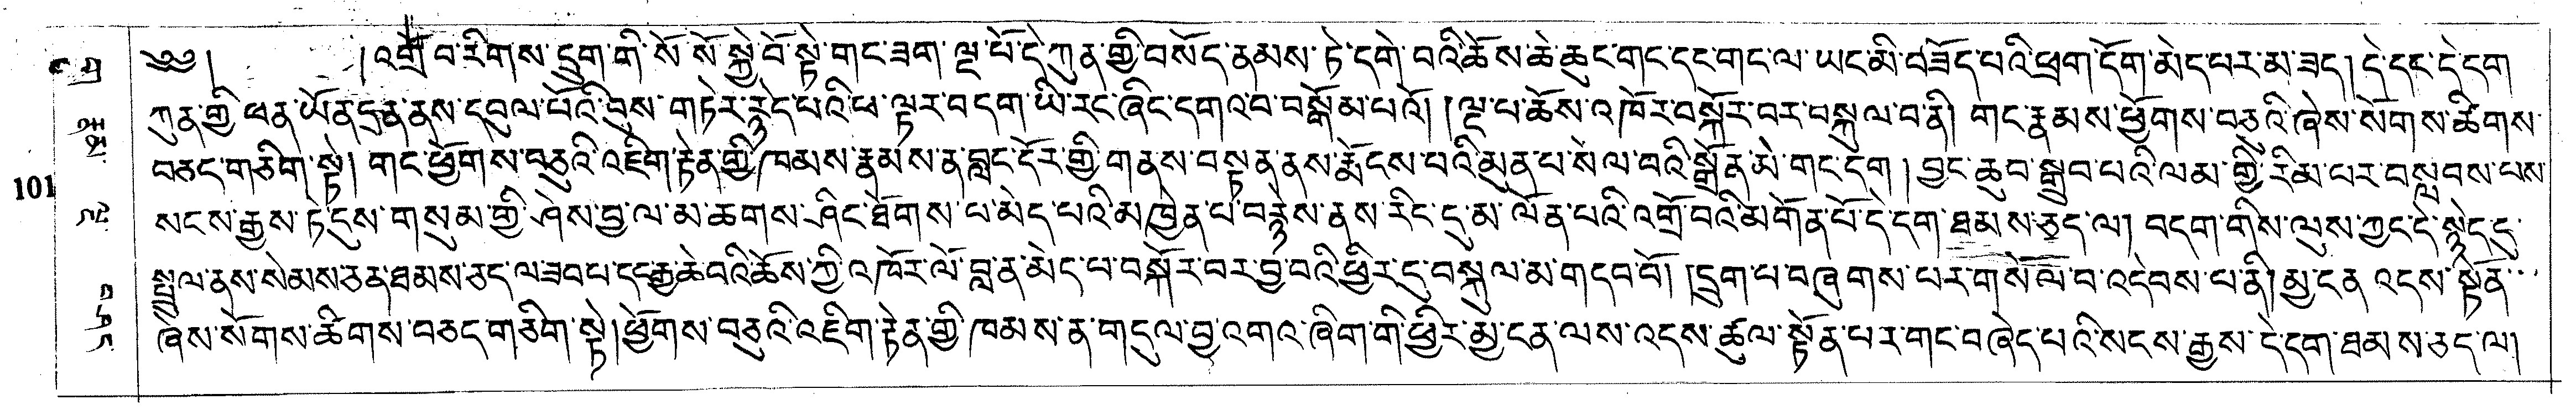༄༅། །འགྲོ་བ་རིགས་དྲུག་གི་སོ་སོ་སྐྱེ་བོ་སྟེ་གང་ཟག་ལྔ་པོ་དེ་ཀུན་གྱི་བསོད་ནམས་ཏེ་དགེ་བའི་ཆོས་ཆེ་ཆུང་གང་དང་གང་ལ་ཡང་མི་བཟོད་པའི་ཕྲག་དོག་མེད་པར་མ་ཟད། དེ་དང་དེ་དག་
ཀུན་གྱི་ཕན་ཡོན་དྲན་ནས་དབུལ་པོའི་བུས་གཏེར་རྙེད་པའི་ཕ་ལྟར་བདག་ཡི་རང་ཞིང་དགའ་བ་བསྒོམ་པའོ། །ལྔ་པ་ཆོས་འཁོར་བསྐོར་བར་བསྐུལ་བ་ནི། གང་རྣམས་ཕྱོགས་བཅུའི་ཞེས་སོགས་ཚིགས་
བཅད་གཅིག་སྟེ། གང་ཕྱོགས་བཅུའི་འཇིག་རྟེན་གྱི་ཁམས་རྣམས་ན་བླང་དོར་གྱི་གནས་བསྟན་ནས་རྨོངས་པའི་མུན་པ་སེལ་བའི་སྒྲོན་མེ་གང་དག །བྱང་ཆུབ་སྒྲུབ་པའི་ལམ་གྱི་རིམ་པར་བསླབས་པས་
སངས་རྒྱས་ཏེ་དུས་གསུམ་གྱི་ཤེས་བྱ་ལ་མ་ཆགས་ཤིང་ཐོགས་པ་མེད་པའི་མཁྱེན་པ་བརྙེས་ནས་རིང་དུ་མ་ལོན་པའི་འགྲོ་བའི་མགོན་པོ་དེ་དག་ཐམས་ཅད་ལ། བདག་གིས་ལུས་ཀྱང་དེ་སྙེད་དུ་
སྤྲུལ་ནས་སེམས་ཅན་ཐམས་ཅད་ལ་ཟབ་པ་དང་རྒྱ་ཆེ་བའི་ཆོས་ཀྱི་འཁོར་ལོ་བླ་ན་མེད་པ་བསྐོར་བར་བྱ་བའི་ཕྱིར་དུ་བསྐུལ་མ་གདབ་པོ། །དྲུག་པ་བཞུགས་པར་གསོལ་བ་འདེབས་པ་ནི། མྱ་ངན་འདས་སྟོན་
ཞེས་སོགས་ཚིགས་བཅད་གཅིག་སྟེ། ཕྱོགས་བཅུའི་འཇིག་རྟེན་གྱི་ཁམས་ན་གདུལ་བྱ་འགའ་ཞིག་གི་ཕྱིར་མྱ་ངན་ལས་འདས་ཚུལ་སྟོན་པར་གང་བཞེད་པའི་སངས་རྒྱས་དེ་དག་ཐམས་ཅད་ལ།